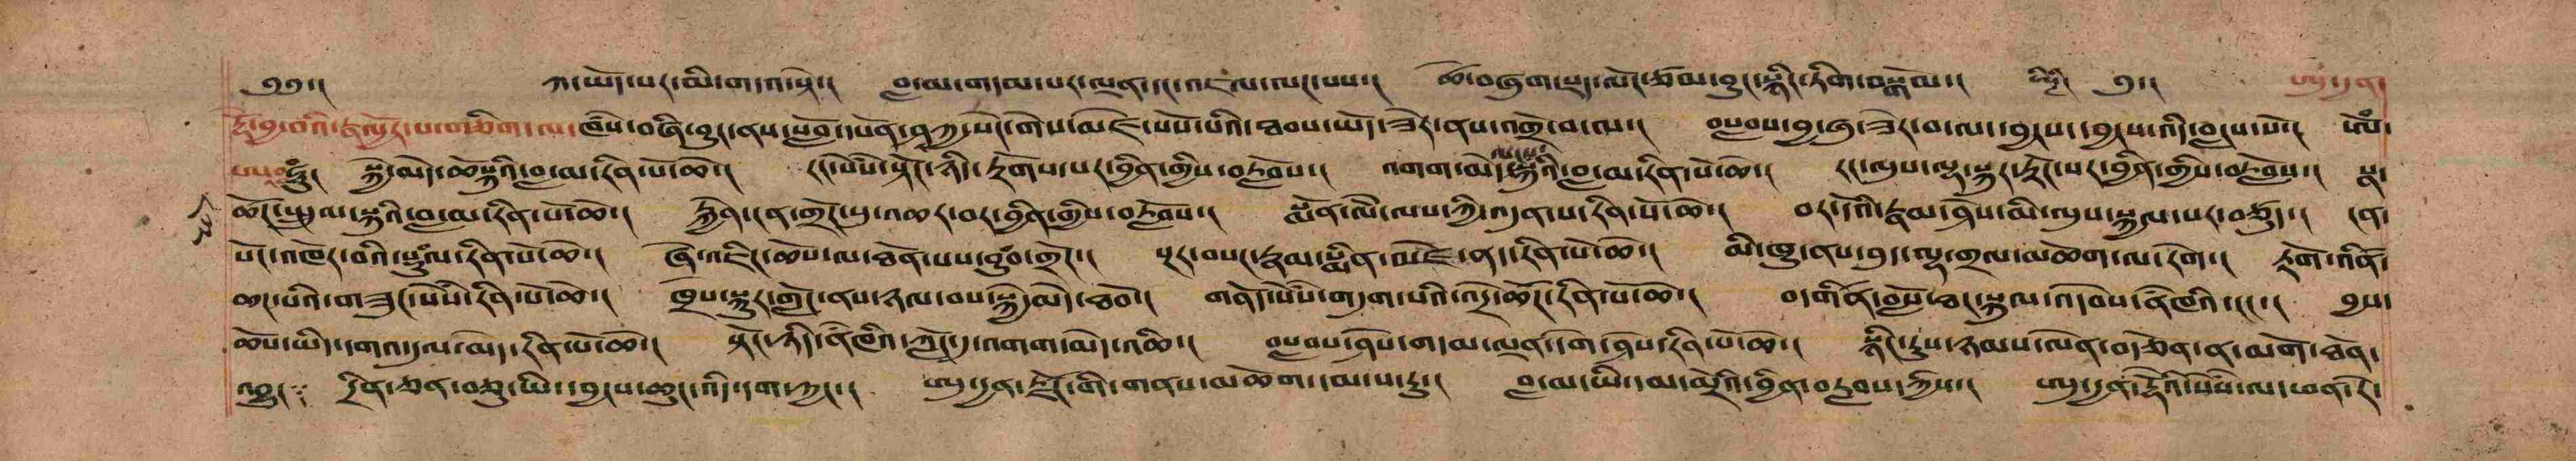༄༅་། ཀ་ཡོད་པར་མི་གདའ་སྟེ། བླ་མ་གདམ་པར་ལྡན་དང་འཇལ་ལགས་པས། ཚེ་བཞུག་སྡད་ལོང་ཙམ་བྱུང་སྙིང་ཏིག་བསྒོམ། ཨིཊི། ༄་། ཨུ་རྒྱན་
རྡོ་རྗེ་བྱ་བའི་རྣལ་འབྱོར་པ་གཅིག་ལ་ཁམས་བཞི་བྱུང་ནས་སློབ་དཔོན་ཤག་ཀྱ་སེང་གེས་མཛེས་པོས་པའི་ཐབས་ཡོད་ཟེར་ནས་འགྲོ་བ་ལ། བསླབས་བྱ་ཞུ་ཟེར་བ་ལ་དབྱངས་དབྱངས་འདི་བླངས་སོ། ཨོཾ་
ཨཿཧཱུཾ། སྐྱེ་མེད་ཆོས་སྐུའི་བླ་མ་རིན་པོ་ཆེ། རང་སེམས་སྟོང་ཉིད་རྟོགས་པར་བྱིན་གྱིས་བརློབས། འགག་མེད་ལོངས་སྐུའི་བླ་མ་རིན་པོ་ཆེ། རང་ལུས་ལྷ་སྐུར་རྟོགས་པར་བྱིན་གྱིས་བརློབས། སྣ་
ཚོགས་སྤྲུལ་སྐུའི་བླ་མ་རིན་པོ་ཆེ། རྐྱེན་ངན་གྲོགས་སུ་འཆར་བར་བྱིན་གྱིས་བརློབས། སྨོན་ལམ་ལས་ཀྱི་འདུན་པ་རིན་པོ་ཆེ། བར་དོའི་རྣམ་ཤེས་མི་ལུས་སྐྱལ་པར་བཙུད། ངན་
སོང་འཁོར་བའི་སྡུག་བསྔལ་རིན་པོ་ཆེ། ཞེ་འཇིགས་ཆོས་ལ་ཐོན་པས་བྱུང་ཆུབ་གྲོགས། སྔར་བསགས་རྣམ་སྨིན་མཛེ་ནད་རིན་པོ་ཆེ། མི་ཁྱུ་ནས་བུད་ལྷ་གྲལ་མཆོག་ལ་རེག རྟོག་འཛིན་
ཆགས་པའི་གཟུང་སེམས་རིན་པོ་ཆེ། ཁྲོས་སྐུར་གློང་ནས་ཉལ་བས་སྐྱེ་མེད་ཐོབ། གནོད་སེམས་གདུག་པའི་འདྲེ་ཚོགས་རིན་པོ་ཆེ། བདག་འཛིན་བློས་ཐང་སྐུལ་འདེབས་ནམ་མཁའི་ངང་། བྱས་
ཆོས་ཡིད་དགའ་དུལ་མེད་རིན་པོ་ཆེ། སྟོང་ཉིད་ནམ་མཁའི་ཀློང་དུ་འགག་མེད་འཆི། བསླབས་ཤེས་གདམ་ལྡན་དགེ་ཤེས་རིན་པོ་ཆེ། སྙིང་རུས་ཉམས་ལེན་བརྩོན་ན་མགོ་ཐོན་
འབྱུང༑ དྲིན་ཅན་བཅུ་ཡི་དབྱངས་ཆུང་འདི་དག་ཀྱང་། ཨུ་རྒྱན་རྫོང་གི་གནས་མཆོག་དམ་པ་རུ། བླ་མ་ཡི་དམ་མཁའ་འགྲོའི་བྱིན་བརླབས་ཀྱིས། ཨཱུ་རྒྱན་རྡོ་རྗེའི་སེམས་ལ་ཕན་རེ་